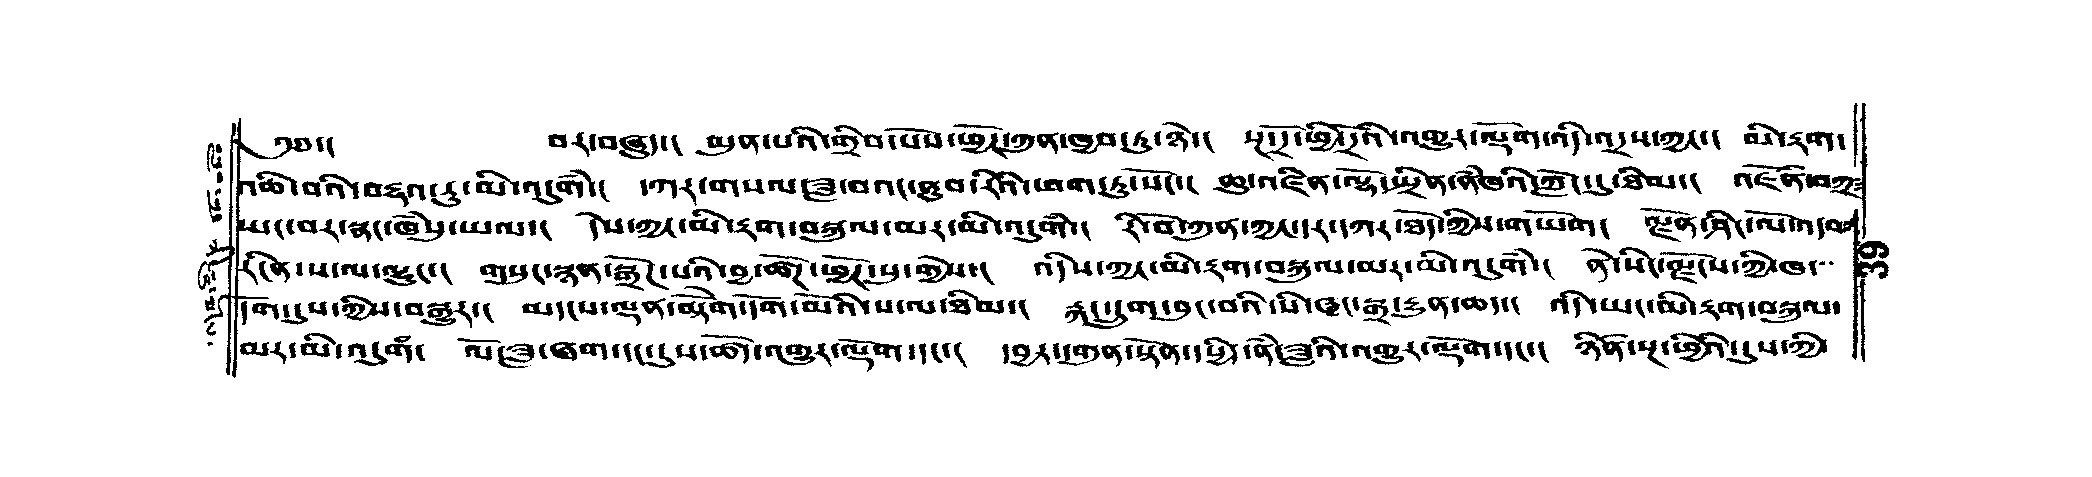བར་བཞུད། །མུན་པའི་གྲིབ་སོས་ཕྱོགས་ཀུན་ཁྱབ་ཏུ་ཉེ། །སྔ་དྲོ་ཕྱི་དྲོའི་འགྱུར་ལྡོག་འདི་འདྲས་ཀྱང་། །མི་རྟག་
འཆི་བའི་བརྡའ་རུ་མི་འདུག་གམ། །དཀར་གསལ་ཟླ་བའང་ནུབ་རིའི་ཕག་ཏུ་སོང་། །ཆུ་འཛིན་ལྷོ་སྤྲིན་ནམ་མཁའི་ཀློང་དུ་ཐིམ། །འཇའ་ཚོན་བཀྲ་
ཡང་བར་སྣང་ཁམས་སུ་ཡལ། །དེས་ཀྱང་མི་རྟག་བསྐུལ་བར་མི་འདུག་གམ། །རི་བོ་ཀུན་བྱང་དར་དཀར་ཐོད་ཀྱིས་གཡེན། །ལྗོན་ཤིང་ལོ་འདབ་
རང་བཞིན་ཕ་ལ་ལྷུང་། །གསུང་སྙན་སྒྲོགས་པའི་བྱ་ཚོགས་ཕྱོགས་སུ་གྱེས། འདིས་ཀྱང་མི་བསྐུལ་མར་མི་འདུག་གམ། །ནེའུ་སིང་ལྗོངས་ཀྱི་ཁ་
དོག་དུས་ཀྱིས་བསྒྱུར། །མདངས་ལྡན་མེ་ཏོག་དོག་མོའི་ས་ལ་ཐིམ། །རྐང་དྲུག་བུང་བའི་པི་ཝང་སྒྲ་རྒྱུན་ཆད། །འདི་ཡང་མི་རྟག་བསྐུལ་
བར་མི་འདུག་གམ། །ལོ་ཟླ་ཞག་དང་དུས་ཚོད་འགྱུར་ལྡོག་དང་། །དབྱར་རྒུན་སྟོན་དཔྱིད་ནམ་ཟླའི་འགྱུར་ལྡོག་དང་། །ཉིན་མཚན་སྔ་ཕྱིའི་དུས་ཀྱི་